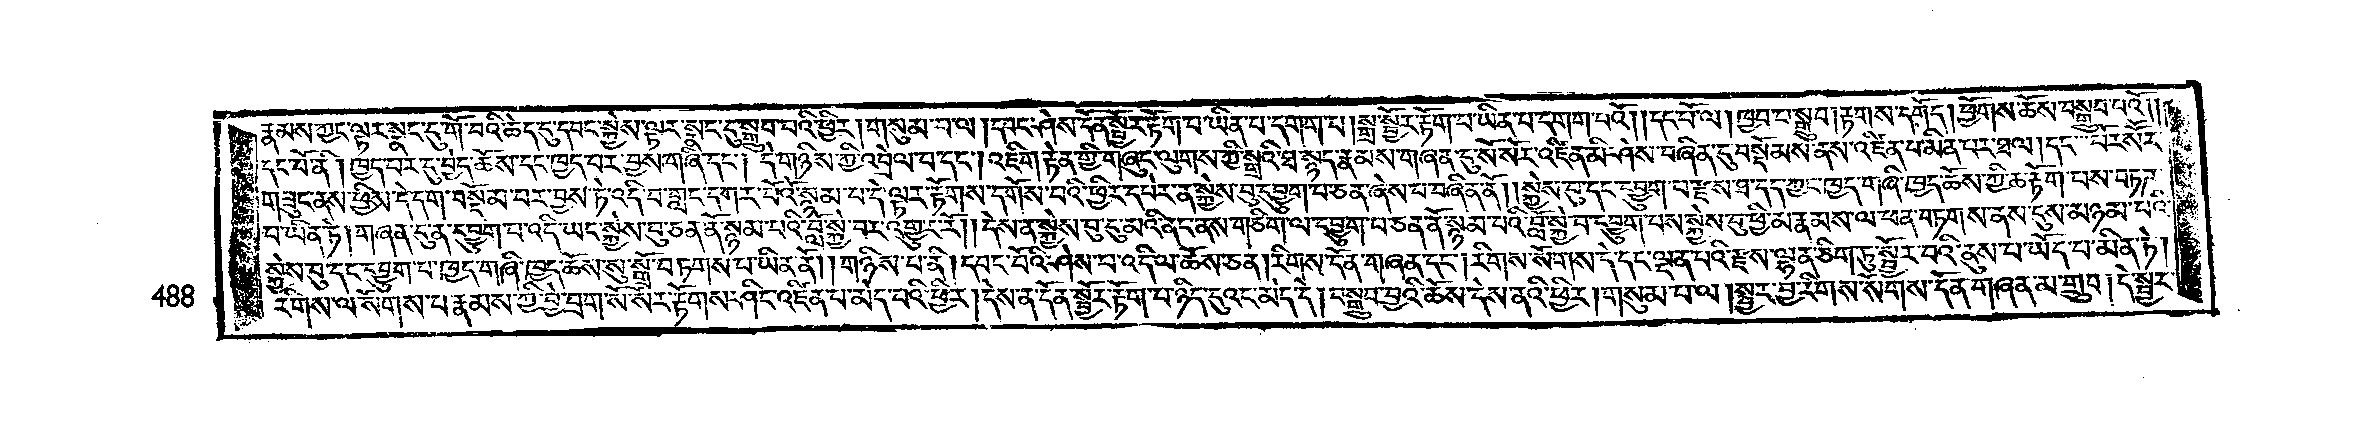རྣམས་ཀྱང་ལྟར་སྣང་དུ་གོ་བའི་ཆེད་དུ་དབང་སྐྱེས་ལྟར་སྣང་དུ་སྒྲུབ་པའི་ཕྱིར། གསུམ་པ་ལ། དབང་ཤེས་དོན་སྦྱོར་རྟོག་པ་ཡིན་པ་དགག་པ། སྒྲ་སྦྱོར་རྟོག་པ་ཡིན་པ་དགག་པའོ། །དང་པོ་ལ། ཁྱབ་པ་སྒྲུབ། རྟགས་དགོད། ཕྱོགས་ཆོས་བསྒྲུབ་པའོ།།
དང་པོ་ནི། ཁྱད་པར་དུ་བྱེད་ཆོས་དང་ཁྱད་པར་བྱས་གཞི་དང་། དེ་གཉིས་ཀྱི་འབྲེལ་བ་དང་། འཇིག་རྟེན་གྱི་གཞུང་ལུགས་ཀྱི་སྒྲའི་ཐ་སྙད་རྣམས་གཞན་དུ་སོ་སོར་འཛིན་མི་ཤེས་བཞིན་དུ་བསྡོམས་ནས་འཛིན་པ་མིན་པར་ཐལ། དང་པོར་སོར་
གཟུང་ནས་ཕྱིས་དེ་དག་བསྡོམ་པར་བྱས་ཏེ་འདི་བ་གླང་དགར་པོའོ་སྙམ་པ་དེ་ལྟར་རྟོགས་དགོས་པའི་ཕྱིར་དཔེར་ན་སྐྱེས་བུ་དབྱུག་པ་ཅན་ཞེས་པ་བཞིན་ནོ། །སྐྱེས་བུ་དང་དབྱུག་བ་རྫས་ཐ་དད་ཀྱང་ཁྱད་གཞི་ཁྱད་ཆོས་ཀྱི་ཆ་རྟོག་པས་བཏགས་
པ་ཡིན་ཏེ། གཞན་དུ་ན་དབྱུག་པ་འདི་ཡང་སྐྱེས་བུ་ཅན་ནོ་སྙམ་པའི་བློ་སྐྱེ་བར་འགྱུར་རོ། །དེས་ན་སྐྱེས་བུ་དུ་མའི་ནང་ནས་གཅིག་ལ་དབྱུག་བ་ཅན་ནོ་སྙམ་པའི་བློ་སྐྱེ་བ་དབྱུག་པས་སྐྱེས་བུ་ཕྱི་མ་རྣམས་ལ་ཕན་བཏགས་ནས་དུས་མཉམ་པའི་
སྐྱེས་བུ་དང་དབྱུག་པ་ཁྱད་གཞི་ཁྱད་ཆོས་སུ་སྒྲོ་བཏགས་པ་ཡིན་ནོ། །གཉིས་པ་ནི། དབང་པོའི་ཤེས་པ་འདི་ལ་ཆོས་ཅན། རིགས་དོན་གཞན་དང་། རིགས་སོགས་དེ་དང་ལྡན་པའི་རྫས་ལྷན་ཅིག་ཏུ་སྦྱོར་བའི་ནུས་པ་ཡོད་པ་མིན་ཏེ།
རིགས་ལ་སོགས་པ་རྣམས་ཀྱི་བྱེ་བྲག་སོ་སོར་རྟོགས་ཤིང་འཛིན་པ་མེད་པའི་ཕྱིར། དེས་ན་དོན་སྦྱོར་རྟོག་པ་ཉིད་དུའང་མེད་དེ། བསྒྲུབ་བྱའི་ཆོས་དེས་ནའི་ཕྱིར། གསུམ་པ་ལ། སྦྱར་བྱ་རིགས་སོགས་དོན་གཞན་མ་གྲུབ། དེ་སྦྱར་